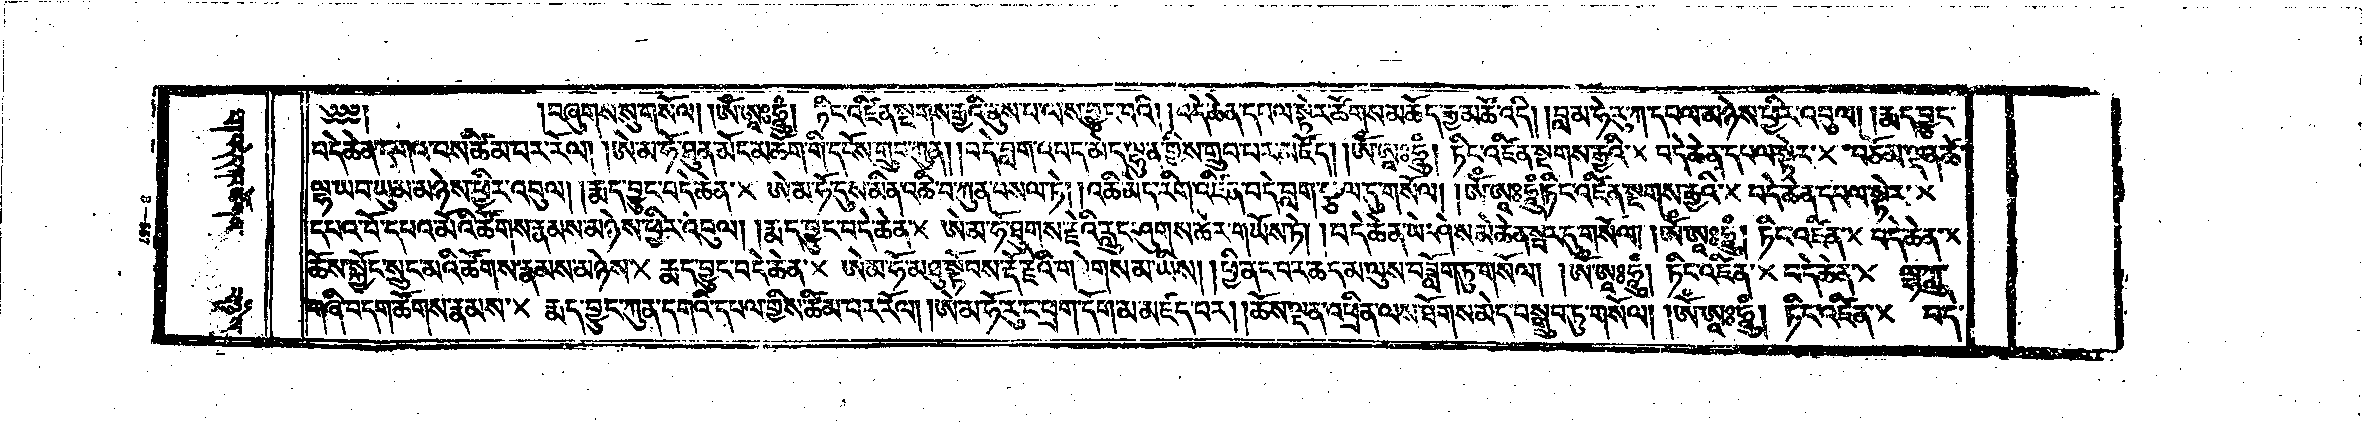༄༅། །བཞུགས་སུ་གསོལ། །ཨོཾ་ཨཱཿཧཱུཾ། ཏིང་འཛིན་སྔགས་རྒྱའི་ནུས་པ་ལས་བྱུང་བའི། །བདེ་ཆེན་དཔལ་སྟེར་ཚོགས་མཆོད་རྒྱ་མཚོ་འདི། །བླ་མ་ཧེ་རུ་ཀ་དཔལ་མཉེས་ཕྱིར་འབུལ། །རྨད་བྱུང་
བདེ་ཆེན་དགའ་བས་ཚིམ་པར་རོལ། །ཨེ་མ་ཧོ་ཐུན་མོང་མཆོག་གི་དངོས་གྲུབ་ཀུན། །བདེ་བླག་འབད་མེད་ལྷུན་གྱིས་གྲུབ་པར་མཛོད། །ཨོཾ་ཨཱཿཧཱུཾ། ཏིང་འཛིན་སྔགས་རྒྱའི་྾་བདེ་ཆེན་དཔལ་སྟེར་྾་བཅོམ་ལྡན་ཚེ་
ལྷ་ཡབ་ཡུམ་མཉེས་ཕྱིར་འབུལ། །རྨད་བྱུང་བདེ་ཆེན་྾་ཨེ་མ་ཧོ་དུས་མིན་འཆི་བ་ཀུན་བསལ་ཏེ། །འཆི་མེད་རིག་འཛིན་བདེ་བླག་སྩལ་དུ་གསོལ། །ཨོཾ་ཨཱཿཧཱུཾ་ཏིང་འཛིན་སྔགས་རྒྱའི་྾་བདེ་ཆེན་དཔལ་སྟེར་྾་
དཔའ་བོ་དཔའ་མོའི་ཚོགས་རྣམས་མཉེས་ཕྱིར་འབུལ། །རྨད་བྱུང་བདེ་ཆེན་྾་ཨེ་མ་ཧོ་ཐུགས་རྗེའི་རླུང་ཤུགས་ཆེར་གཡོས་ཏེ། །བདེ་ཆེན་ཡེ་ཤེས་མེ་ཆེན་སྦར་དུ་གསོལ། །ཨོཾ་ཨཱཿ ཧཱུཾ། ཏིང་འཛིན་྾་བདེ་ཆེན་྾་
ཆོས་སྐྱོང་སྲུང་མའི་ཚོགས་རྣམས་མཉེས་྾་རྨད་བྱུང་བདེ་ཆེན་྾་ཨེ་མ་ཧོ་མཐུ་སྟོབས་རྡོ་རྗེའི་གཟེགས་མ་ཡིས། །ཕྱི་ནང་བར་ཆད་མ་ལུས་བཟློག་ཏུ་གསོལ། །ཨོཾ་ཨཱཿཧཱུཾ། ཏིང་འཛིན་྾་བདེ་ཆེན་྾་ལྷ་ཀླུ་
གཞི་བདག་ཚོགས་རྣམས་྾་རྨད་བྱུང་ཀུན་དགའི་དཔལ་གྱིས་ཚིམ་པར་རོལ། །ཨེ་མ་ཧོ་རུང་ཕྲག་དོག་མ་མཛད་པར། །ཆོས་ལྡན་འཕྲིན་ལས་ཐོགས་མེད་བསྒྲུབ་ཏུ་གསོལ། །ཨོཾ་ཨཱཿཧཱུཾ། ཏིང་འཛིན་྾་བདེ་